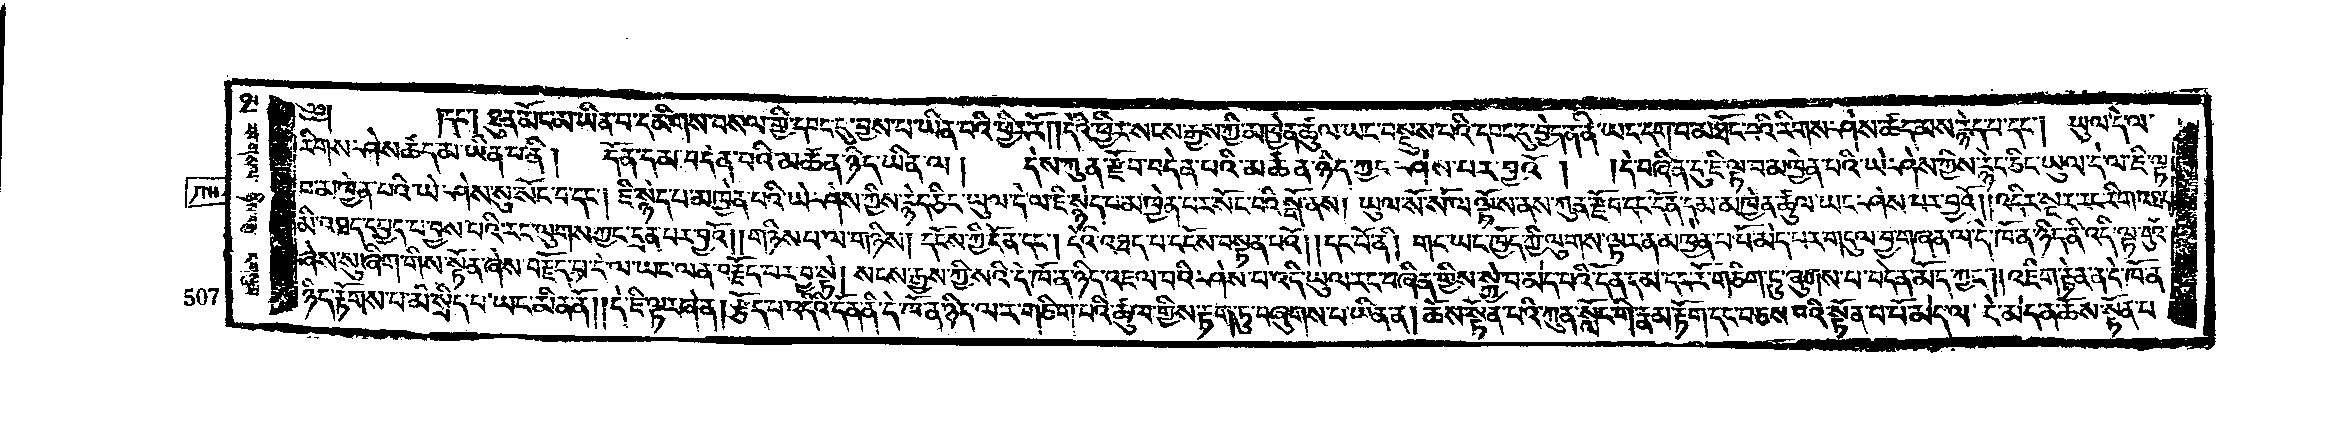༄༅། །དང་། ཐུན་མོང་མ་ཡིན་པ་དམིགས་བསལ་གྱི་དབང་དུ་བྱས་པ་ཡིན་པའི་ཕྱིར་རོ། །དེའི་ཕྱིར་སངས་རྒྱས་ཀྱི་མཁྱེན་ཚུལ་ཡང་བསྡུས་པའི་དབང་དུ་བྱེད་ན་ནི་ཡང་དག་པ་མཐོང་བའི་རིགས་ཤེས་ཚད་མས་རྙེད་པ་དང་། ཡུལ་དེ་ལ་
རིགས་ཤེས་ཚད་མ་ཡིན་པ་ནི། དོན་དམ་བདེན་པའི་མཚན་ཉིད་ཡིན་ལ། དེས་ཀུན་རྫོབ་བདེན་པའི་མཚན་ཉིད་ཀྱང་ཤེས་པར་བྱའོ། །དེ་བཞིན་དུ་ཇི་ལྟ་བ་མཁྱེན་པའི་ཡེ་ཤེས་ཀྱིས་རྙེད་ཅིང་ཡུལ་དེ་ལ་ཇི་ལྟ་
བ་མཁྱེན་པའི་ཡེ་ཤེས་སུ་སོང་བ་དང་། ཇི་སྙེད་པ་མཁྱེན་པའི་ཡེ་ཤེས་ཀྱིས་རྙེད་ཅིང་ཡུལ་དེ་ལ་ཇི་སྙེད་པ་མཁྱེན་པར་སོང་བའི་སྒོ་ནས། ཡུལ་སོ་སོ་ལ་ལྟོས་ནས་ཀུན་རྫོབ་དང་དོན་དམ་མཁྱེན་ཚུལ་ཡང་ཤེས་པར་བྱའོ། །འདིར་སྔར་རང་རིག་འཐད་
མི་འཐད་དཔྱད་པ་བྱས་པའི་རང་ལུགས་ཀྱང་དྲན་པར་བྱའོ། །གཉིས་པ་ལ་གཉིས། དངོས་ཀྱི་དོན་དང་། དེའི་འཐད་པ་དངོས་བསྟན་པའོ། །དང་པོ་ནི། གང་ཡང་ཁྱོད་ཀྱི་ལུགས་ལྟར་ན་མཁྱེན་པ་པོ་མེད་པར་གདུལ་བྱ་གཞན་ལ་དེ་ཁོ་ན་ཉིད་ནི་འདི་ལྟ་བུའོ་
ཞེས་སུ་ཞིག་གིས་སྟོན་ཞེས་བརྗོད་པ་དེ་ལ་ཡང་ལན་བརྗོད་པར་བྱ་སྟེ། སངས་རྒྱས་ཀྱི་སའི་དེ་ཁོ་ན་ཉིད་འཇལ་བའི་ཤེས་པ་འདི་ཡུལ་རང་བཞིན་གྱིས་སྐྱེ་བ་མེད་པའི་དོན་དམ་དང་རོ་གཅིག་ཏུ་ཞུགས་པ་བདེན་མོད་ཀྱང་། །འཇིག་རྟེན་ན་དེ་ཁོ་ན་
ཉིད་རྟོགས་པ་མི་སྲིད་པ་ཡང་མིན་ནོ། །དེ་ཇི་ལྟར་ཞེ་ན། རྩོད་པ་འདིའི་དོན་ནི་དེ་ཁོ་ན་ཉིད་ལ་རོ་གཅིག་པའི་ཚུལ་གྱིས་རྟག་ཏུ་བཞུགས་པ་ཡིན་ན། ཆོས་སྟོན་པའི་ཀུན་སློང་གི་རྣམ་རྟོག་དང་བཅས་པའི་སྟོན་པ་པོ་མེད་ལ། དེ་མེད་ན་ཆོས་སྟོན་པ་